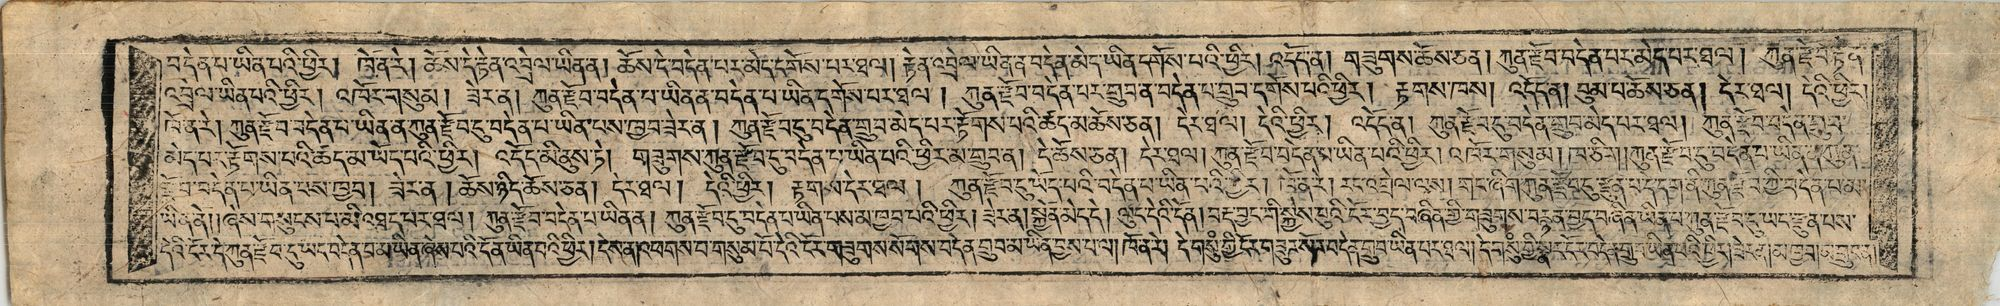བདེན་པ་ཡིན་པའི་ཕྱིར། ཁོ་ན་རེ། ཆོས་དེ་རྟེན་འབྲེལ་ཡིན་ན། ཆོས་དེ་བདེན་པར་མེད་དགོས་པར་ཐལ། རྟེན་འབྲེལ་ཡིན་ན་བདེན་མེད་ཡིན་དགོས་པའི་ཕྱིར། འདོད་ན། གཟུགས་ཆོས་ཅན། ཀུན་རྫོབ་བདེན་པར་མེད་པར་ཐལ། ཀུན་རྫོབ་རྟེན་
འབྲེལ་ཡིན་པའི་ཕྱིར། འཁོར་གསུམ། ཟེར་ན། ཀུན་རྫོབ་བདེན་པ་ཡིན་ན་བདེན་པ་ཡིན་དགོས་པར་ཐལ། ཀུན་རྫོབ་བདེན་པར་གྲུབ་ན་བདེན་པ་གྲུབ་དགོས་པའི་ཕྱིར། རྟགས་ཁས། འདོད་ན། བུམ་པ་ཆོས་ཅན། དེར་ཐལ། དེའི་ཕྱིར།
ཁོ་ན་རེ། ཀུན་རྫོབ་བདེན་པ་ཡིན་ན་ཀུན་རྫོབ་དུ་བདེན་པ་ཡིན་པས་ཁྱབ་ཟེར་ན། ཀུན་རྫོབ་དུ་བདེན་གྲུབ་མེད་པར་རྟོགས་པའི་ཚད་མ་ཆོས་ཅན། དེར་ཐལ། དེའི་ཕྱིར། འདོད་ན། ཀུན་རྫོབ་དུ་བདེན་གྲུབ་མེད་པར་ཐལ། ཀུན་རྫོབ་བདེན་གྲུབ་
མེད་པར་རྟོགས་པའི་ཚད་མ་ཡོད་པའི་ཕྱིར། འདོད་མི་ནུས་ཏེ། གཟུགས་ཀུན་རྫོབ་དུ་བདེན་པ་ཡིན་པའི་ཕྱིར་མ་གྲུབ་ན། དེ་ཆོས་ཅན། དེར་ཐལ། ཀུན་རྫོབ་བདེན་པ་ཡིན་པའི་ཕྱིར། འཁོར་གསུམ། ཁ་ཅིག་ཀུན་རྫོབ་དུ་བདེན་པ་ཡིན་ན་ཀུན་
རྫོབ་བདེན་པ་ཡིན་པས་ཁྱབ། ཟེར་ན་།ཆོས་ཉིད་ཆོས་ཅན། དེར་ཐལ། དེའི་ཕྱིར། རྟགས་དེར་ཐལ། ཀུན་རྫོབ་དུ་ཡོད་པའི་བདེན་པ་ཡིན་པའི་ཕྱིར། ཁོ་ན་རེ། རང་འགྲེལ་ལས། གང་ཞིག་ཀུན་རྫོབ་དུ་རྫུན་པ་དེ་དག་ནི་ཀུན་རྫོབ་ཀྱི་བདེན་པ་མ་
ཡིན་ནོ། །ཞེས་གསུངས་པ་མི་འཐད་པར་ཐལ། ཀུན་རྫོབ་བདེན་པ་ཡིན་ན། ཀུན་རྫོབ་དུ་བདེན་པ་ཡིན་པས་མ་ཁྱབ་པའི་ཕྱིར། ཟེར་ན། སྐྱོན་མེད་དེ། ལུང་དེའི་དོན། བརྡ་བྱང་གི་སྐྱེས་བུའི་ངོར་བྱད་བཞིན་གྱི་གཟུགས་བརྙན་བྱད་བཞིན་ཡིན་པ་ཀུན་རྫོབ་དུ་ཡང་རྫུན་པས་
དེའི་ངོར་དེ་ཀུན་རྫོབ་དུ་ཡང་བདེན་པ་མ་ཡིན་ཞེས་པའི་དོན་ཡིན་པའི་ཕྱིར། དེས་ན། འཕགས་པ་གསུམ་པོ་དེའི་ངོར་གཟུགས་སོགས་བདེན་གྲུབ་མ་ཡིན་བྱས་པ་ལ། ཁོ་ན་རེ། དེ་གསུམ་གྱི་ངོར་གཟུགས་སོགས་བདེན་གྲུབ་ཡིན་པར་ཐལ། དེ་གསུམ་གྱི་སྣང་ངོར་བདེན་གྲུབ་ཡིན་པའི་ཕྱིར། ཟེར་ན། མ་ཁྱབ། མ་གྲུབ་ན།